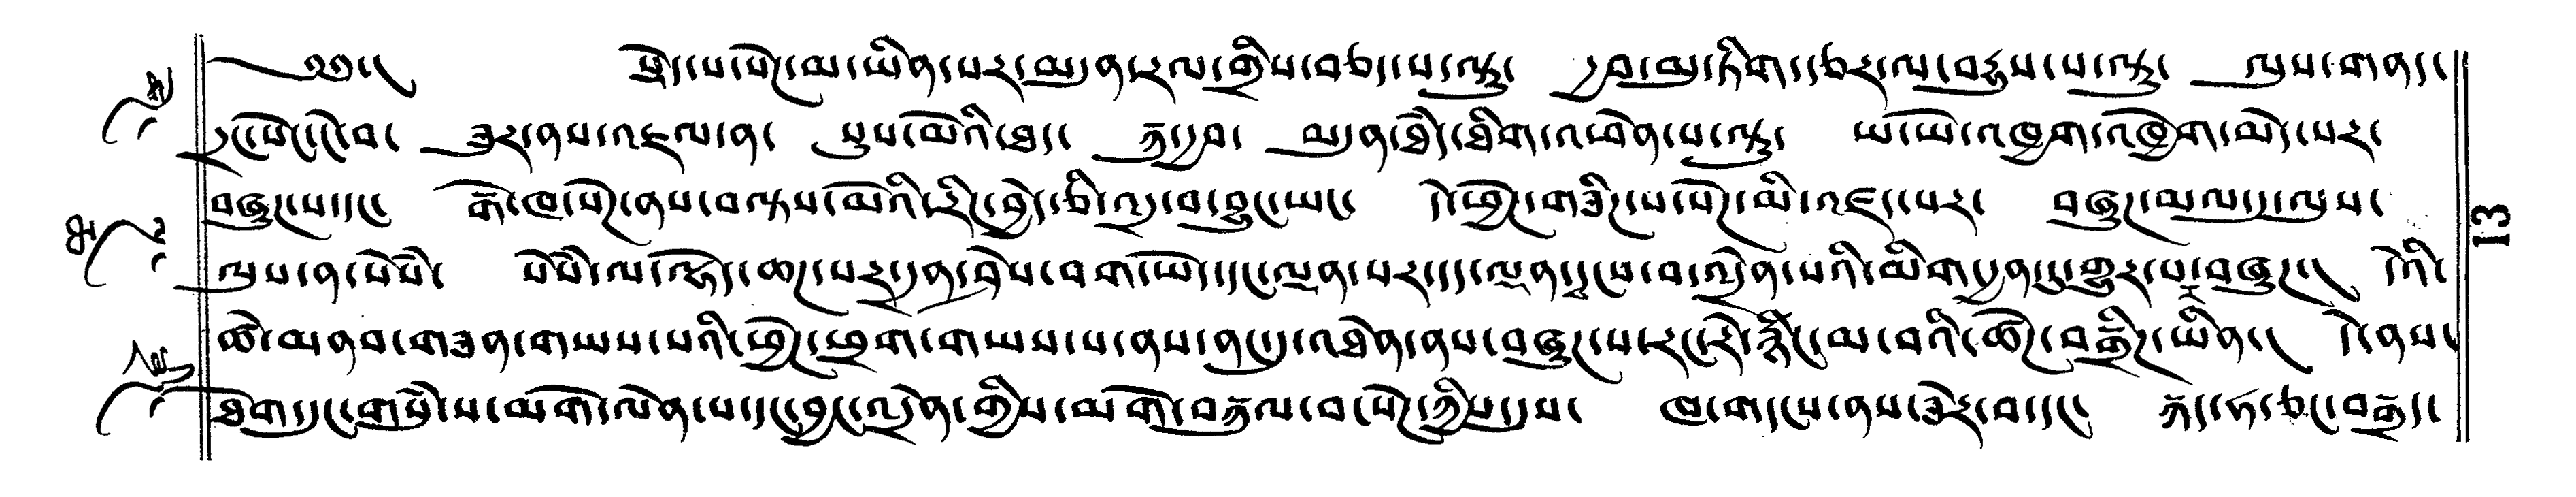སྡོད་པ་སོགས་མ་ཡིན་པར་མདུན་རལ་གྲིས་བཅད་པ་ལྟ་བུ། རྒྱབ་མུ་ཏིག་བསྟར་ལ་བརྒྱུས་པ་ལྟ་བུ། ལུས་གནད་
དྲང་སེང་ངེ་བ། ཟུར་ནས་འཇལ་ན། པུས་མོའི་ཐད། སྐུ་རྒྱབ། མདུན་ཐམས་ཅད་ཐིག་འཕེན་པ་ལྟ་བུ། ཡ་ཡོ་ཁྱག་ཁྱོག་མེད་པར་
བཞུགས་པ་དང་། སྒོ་ཁ་སོགས་ནས་བལྟད་མོའི་རིགས་བྱེད་ཅི་འདྲ་བ་བྱུང་ཡང་། དེ་ཕྱོགས་གཟིགས་པ་སོགས་མི་མཛད་པར། བཞུགས་མལ་དུ་ལུས། 
ལུས་ན་སེམས། སེམས་ལ་ལྷོད་ཆགས་པར་དྲན་ཤེས་བག་ཡོད་དང་ལྡན་པར་དད་ལྡན་དྭང་བ་འདྲེན་པའི་མིག་རྒྱན་དུ་གྱུར་པར་བཞུགས།དེའི་
ཚེ་མནབ་གཟན་གཡས་པའི་ཕྱོགས་ཕྲག་གཡས་པ་ནས་ནང་དུ་འཐེན་ནས་བཞུགས་པ་རང་རེ་རྙིང་མ་བའི་ཚོགས་བསྒྲིགས་ཡིན། དེ་ནས་
ཐོག་དུང་གསུམ་པ་འགོ་ལེན་པ་དང་བྱང་འདྲེན་གྱི་འགོ་བསྐུལ་བ་སོགས་ཀྱིས་དུས། ཁ་གདངས་ནས་ཟེར་བ་དང་། སྐད་ཧ་ཅང་བསྒྲད་